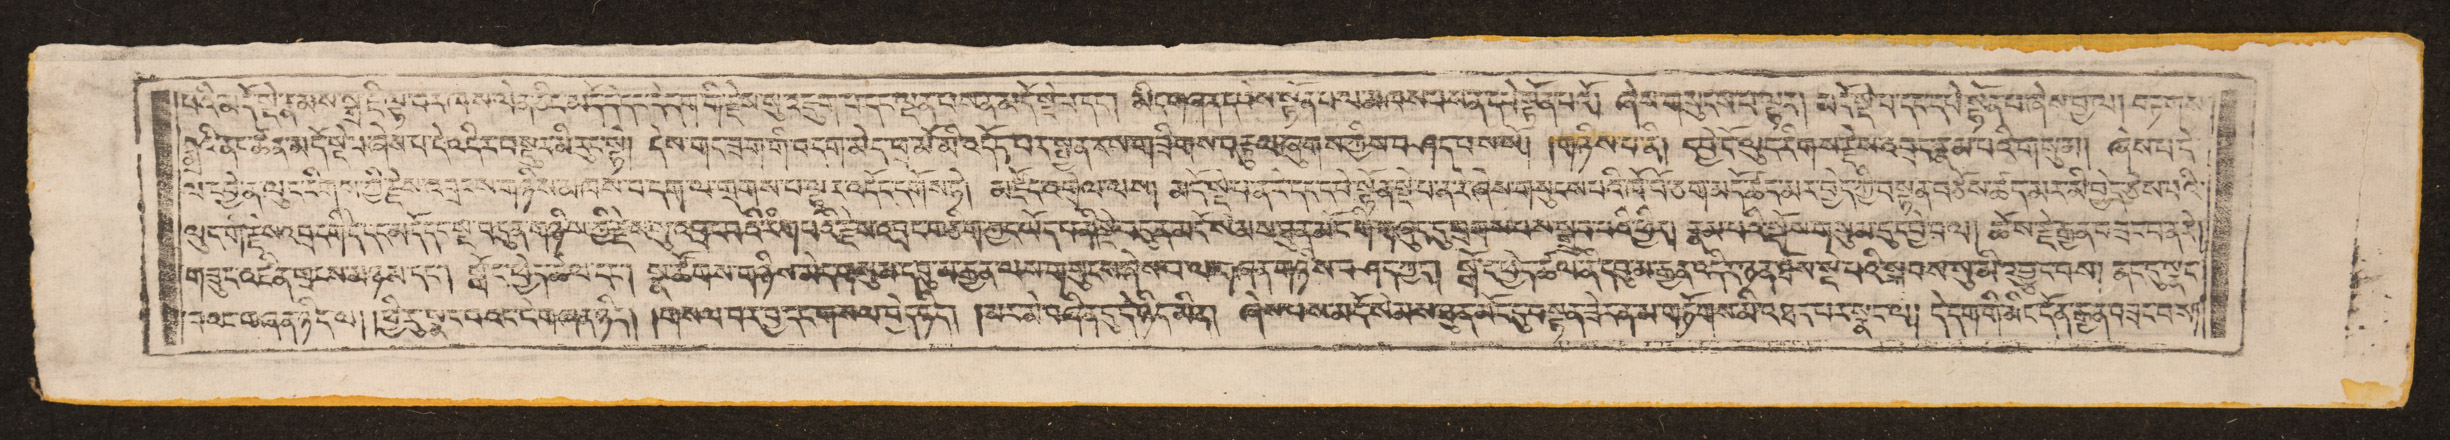པའི་མདོ་སྡེ་རྣམས་སྒྲ་ཇི་ལྟ་པར་ཁས་ལན་ཅིང་མདོད་དང་དེ་དག་གི་རྗེས་སུ་འཇུག་པ་དང་ལྡན་པས་ན་མདོ་སྡེ་པ་དང་། མིང་གཞན་དཔེས་སྟོན་པ་ལ་མཁས་པས་ན་དཔེ་སྟོན་པའོ། ཞེས་གསུངས་པ་ལྟར། མདོ་སྡེ་པ་དང་དཔེ་སྟོན་པ་ཞེས་བྱ་ལ། བཏགས་
སྨྲའི་ནང་ཚན་མདོ་སྡེ་པ་ཞེས་པ་དེ་འདིར་བསྡུར་མི་རུང་སྟེ། དེས་གང་ཟག་གི་བདག་མེད་ཕྲ་མོ་མི་འདོད་པར་སྤྱན་རས་གཟིགས་བརྟུལ་ཞུགས་ཀྱིས་བཤད་པས་སོ། །གཉིས་པ་ནི། དབྱེ་ངོ་ལུང་རིགས་རྗེས་འབྲང་རྣམ་པའི་གསུམ། ཞེས་པ་དེ་
ལ་དབྱེ་ན་ལུང་རིགས་ཀྱི་རྗེས་འབྲངས་གཉིས་མཁས་པ་དག་ལ་གྲགས་པ་ལྟར་འདོད་དགོས་ཏེ། མཛོད་འགྲེལ་ལས། མདོ་སྡེ་པ་ན་རེ་དང་དཔེ་སྟོན་སྡེ་བ་ན་རེ་ཞེས་གསུངས་པའི་ཁོ་བོ་ཅག་མདོ་ཚད་མར་བྱེད་ཀྱི་བསྟན་བཅོས་ཚད་མར་མི་བྱེད་ཅེས་པའི་
ལུང་གི་རྗེས་འབྲང་གི་དེ་དང་མདོ་དང་སྔ་བདུན་གཉིས་ཀྱི་རྗེས་སུ་འབྲང་བའི་རིག་པའི་རྗེས་འབྲེང་གཅིག་ཀྱང་ཡོད་པ་ནི། སྡེ་བདུན་མདོ་སེམས་ཐུན་མོང་གི་གཞུང་དུ་གྲགས་པས་སྒུབ་པའི་ཕྱིར། རྣམ་པའི་སྒོས་གསུམ་དུ་དབྱེ་བ་ལ། ཆོས་རྗེ་རྒྱན་བཟང་བ་ན་རེ།
གཟུང་འཇིན་གྲངས་མཉམ་དང་། སྒོ་ང་ཕྱེད་ཚལ་དང་། སྣ་ཚོགས་གཉིས་མེད་གསུམ་དབུ་མ་རྒྱན་ལས་གསུངས་ཞེས་པ་ལ་གཞན་གཉིས་བཤད་ཀྱང་། སྒོ་ང་ཕྱེད་ཚལ་ནི་དབུ་མ་རྒྱན་འདིར་ཉན་ཐོས་སྡེ་པའི་སྐབས་སུ་མི་འབྱུང་བས། ནང་དུ་སྣང་
བ་འང་གཞན་ཉིད་ལ། །ཕྱི་རུ་སྣང་བའང་དེ་གཞན་ཉིད། །གསལ་བར་བྱ་དང་གསལ་བྱེད་ཉིད། །མར་མེ་བཞིན་དུ་དེ་ཉིད་མིན། ཞེས་པས་མདོ་སེམས་ཐུན་མོང་དུ་བསྟན་ཟེར་ན་མ་གཏོགས་མི་འཐད་པར་སྣང་ལ། དེ་དག་གི་མིང་དོན་རྒྱན་བཟང་བས་